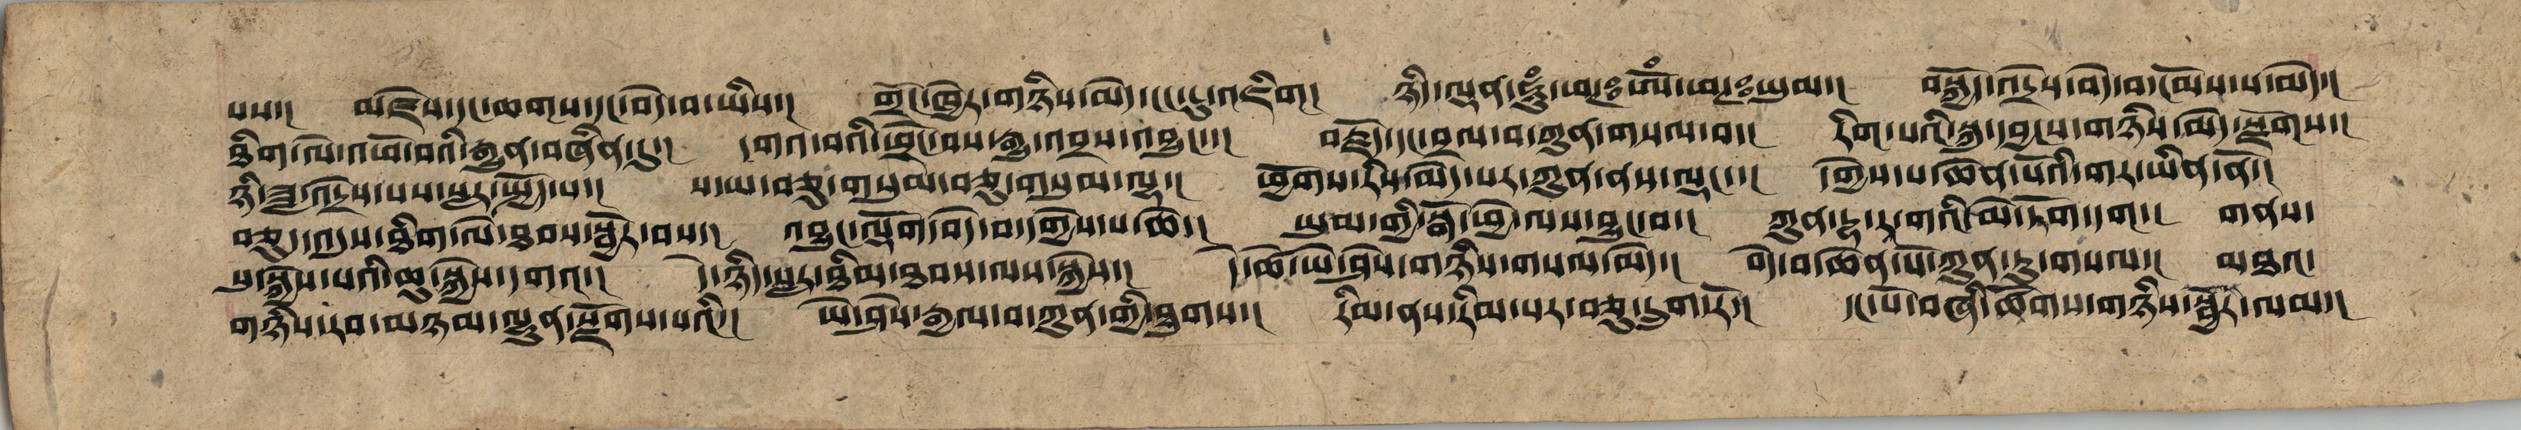པས་། མཛེས་དང་ཆགས་དང་བདེ་བ་ཡིས་། གྲོང་ཁྱེར་གཉིས་མེད་ངང་ངུ་འཇིག། ཉིད་ལྡན་ཧཱུཾ་ཕཊ་ཨོཾ་ཕཊ་ཡུམ་། བསྐྱོད་འདྲེས་བདེ་བ་ངོམས་པ་མེད་།
ཐིག་ལེ་འཕོ་བའི་རྒྱུན་བཞིན་དུ་། དགའ་བའི་ཕྲེང་བས་རྒྱུ་འབྲས་འབྱུང་་། བརྗོད་དང་བྲལ་བ་ཀུན་གསལ་བ་། རིག་པའི་སྐུ་དབྱངས་གཉིས་མེད་སྫོགས་།
ཉི་ཟླ་འདྲེས་པས་སླར་སྤྱོད་པ་། ས་ཡ་བཅུ་གསུམ་བཅུ་གསུམ་ལྷ་། ཕྱོགས་རིས་མེད་པར་ཀུན་ནས་ལྡང་་། དགྱེས་པ་ཆེན་པོའི་གར་ཡིན་ནོ་།
བཅུད་འདུས་ཐིག་ལེ་ཐབས་སྦྱོར་བས་། འབྱུང་ལྡོག་བདེ་བ་དགྱེས་པ་ཆེ་། ཡུམ་གྱི་སྒོ་ཕྱེ་ལས་བྱུང་བ་། ཀུན་དྷ་རཱ་གའི་མེ་ཏོག་དག་། གནས་
སུ་སྐྱེས་པའི་ཆུ་སྐྱེས་དགའ་། དེ་ཉིད་སླར་ཐིམ་ཐབས་ལས་སྐྱེས་། དེ་ཚེ་ཡེ་ཤེས་གཉིས་གསལ་མེད་། བདེ་བ་ཆེན་པོ་ཀུན་ཏུ་གསལ་། མཐའ་
གཉིས་རབ་མཉམ་ལྷུན་སྫོགས་པའི་། ཡེ་ཤེས་རྒྱལ་བ་ཀུན་གྱི་ཐུགས་། རིམ་ནས་རིམ་པར་བཅུ་དྲུག་རོ་། དང་པོ་བཞི་ཚོགས་གཉིས་སྦྱོར་ལམ་།